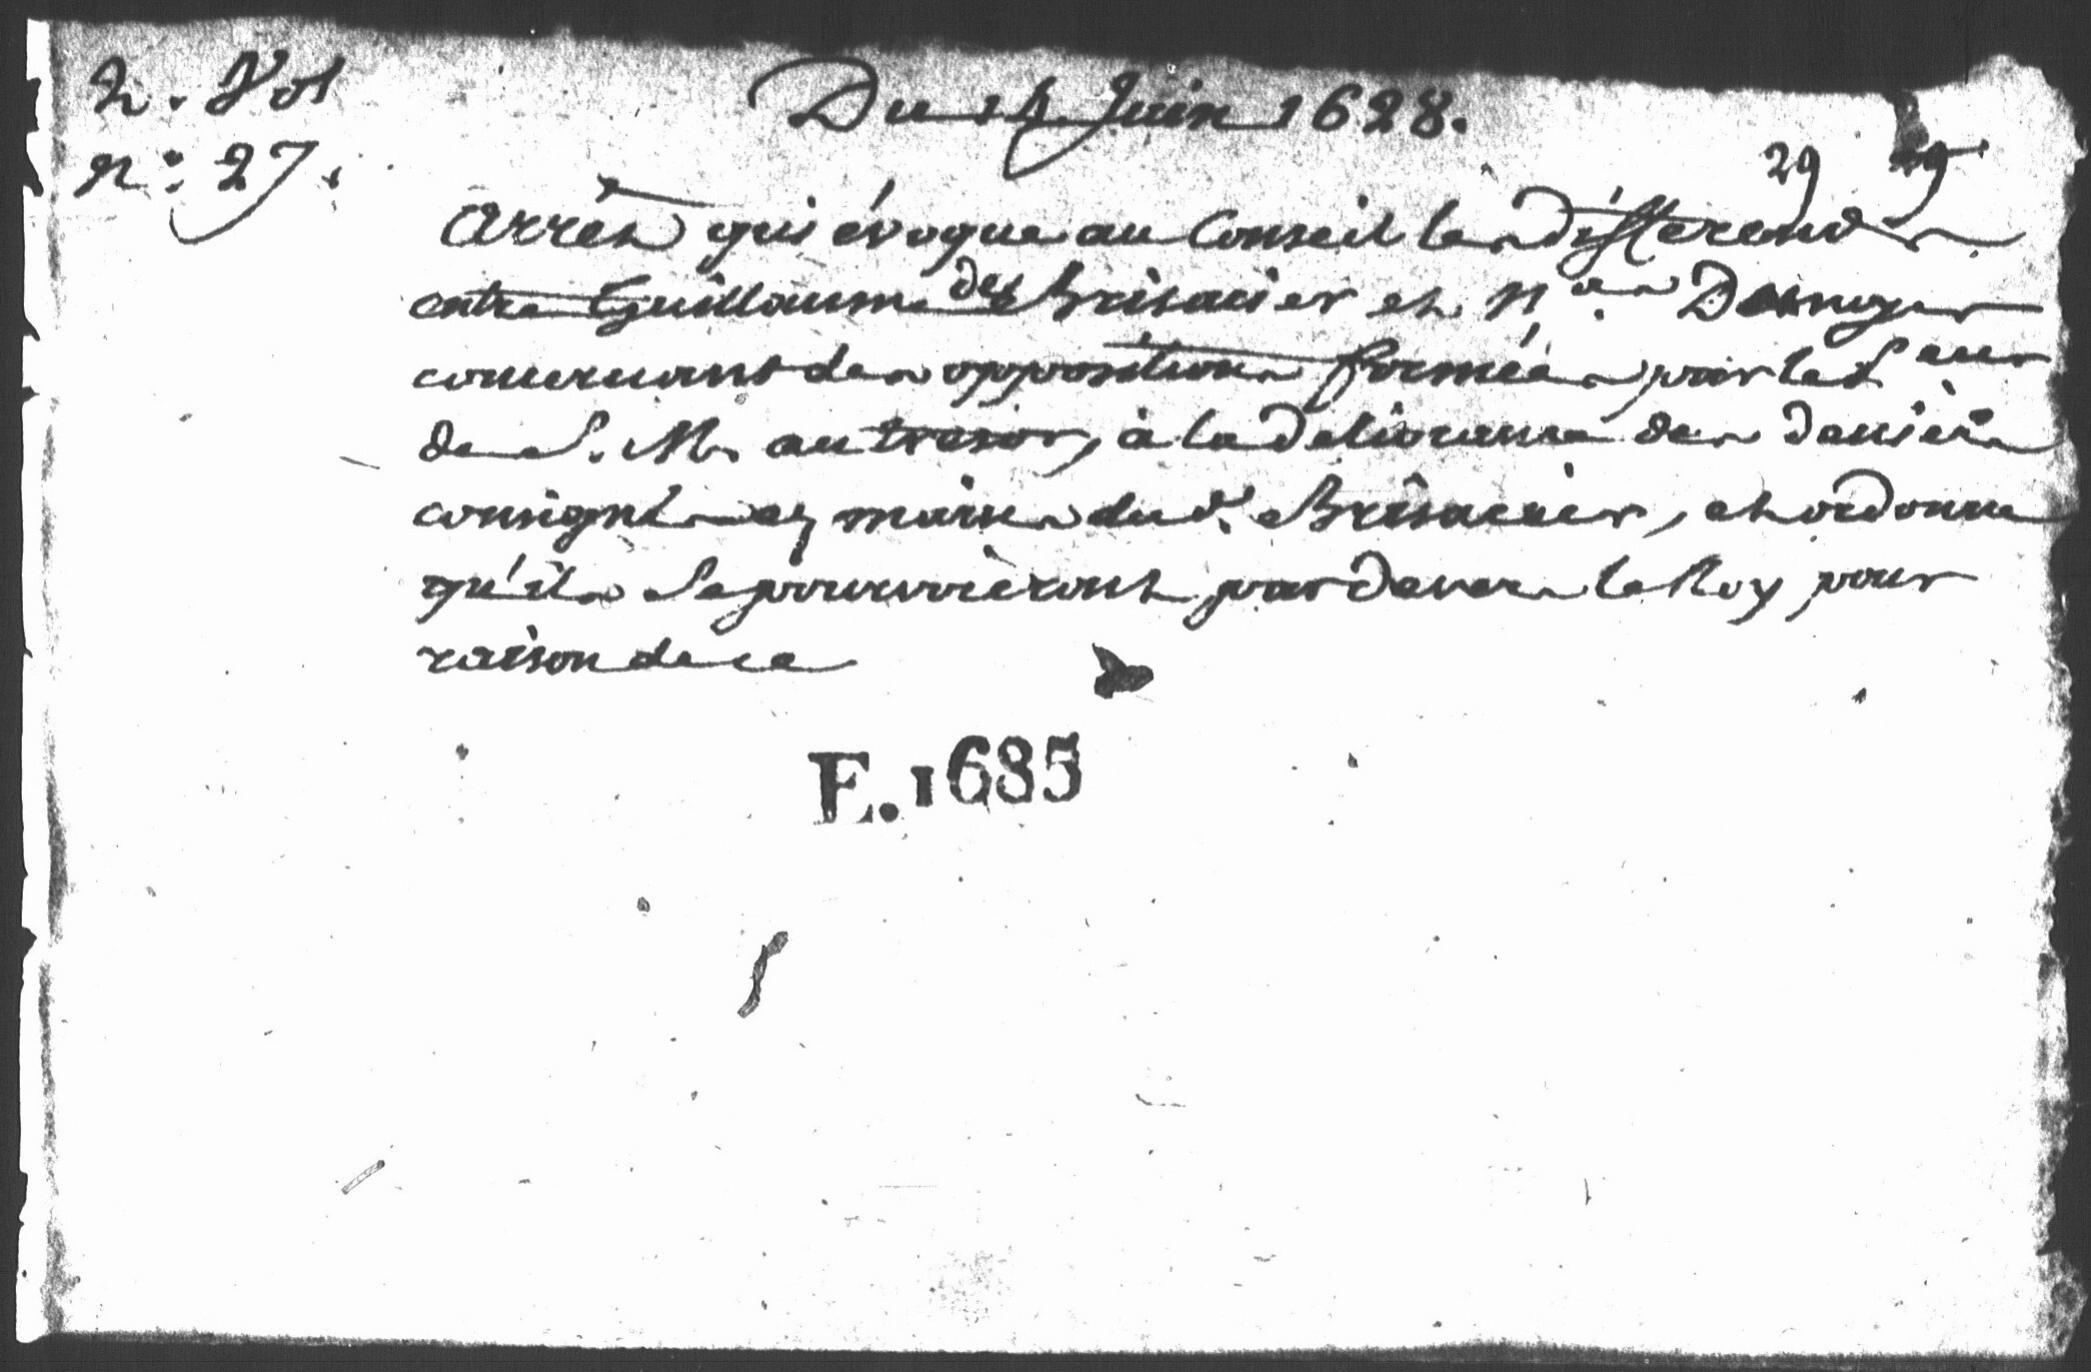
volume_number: n°27
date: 14 juin 1628
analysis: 29
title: Arrêt qui évoque au Conseil les differends entre Guillaume de Brisacier et N.as Desnoyer concernant des oppositions formées par le Peur de S. M. au trésor à la delivrance des deniers consignés ez mains dud. Brisacier, et ordonne qu'ils se pourvoieront par devers le Roy pour raison de ce
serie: E
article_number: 1685
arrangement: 2. vol
